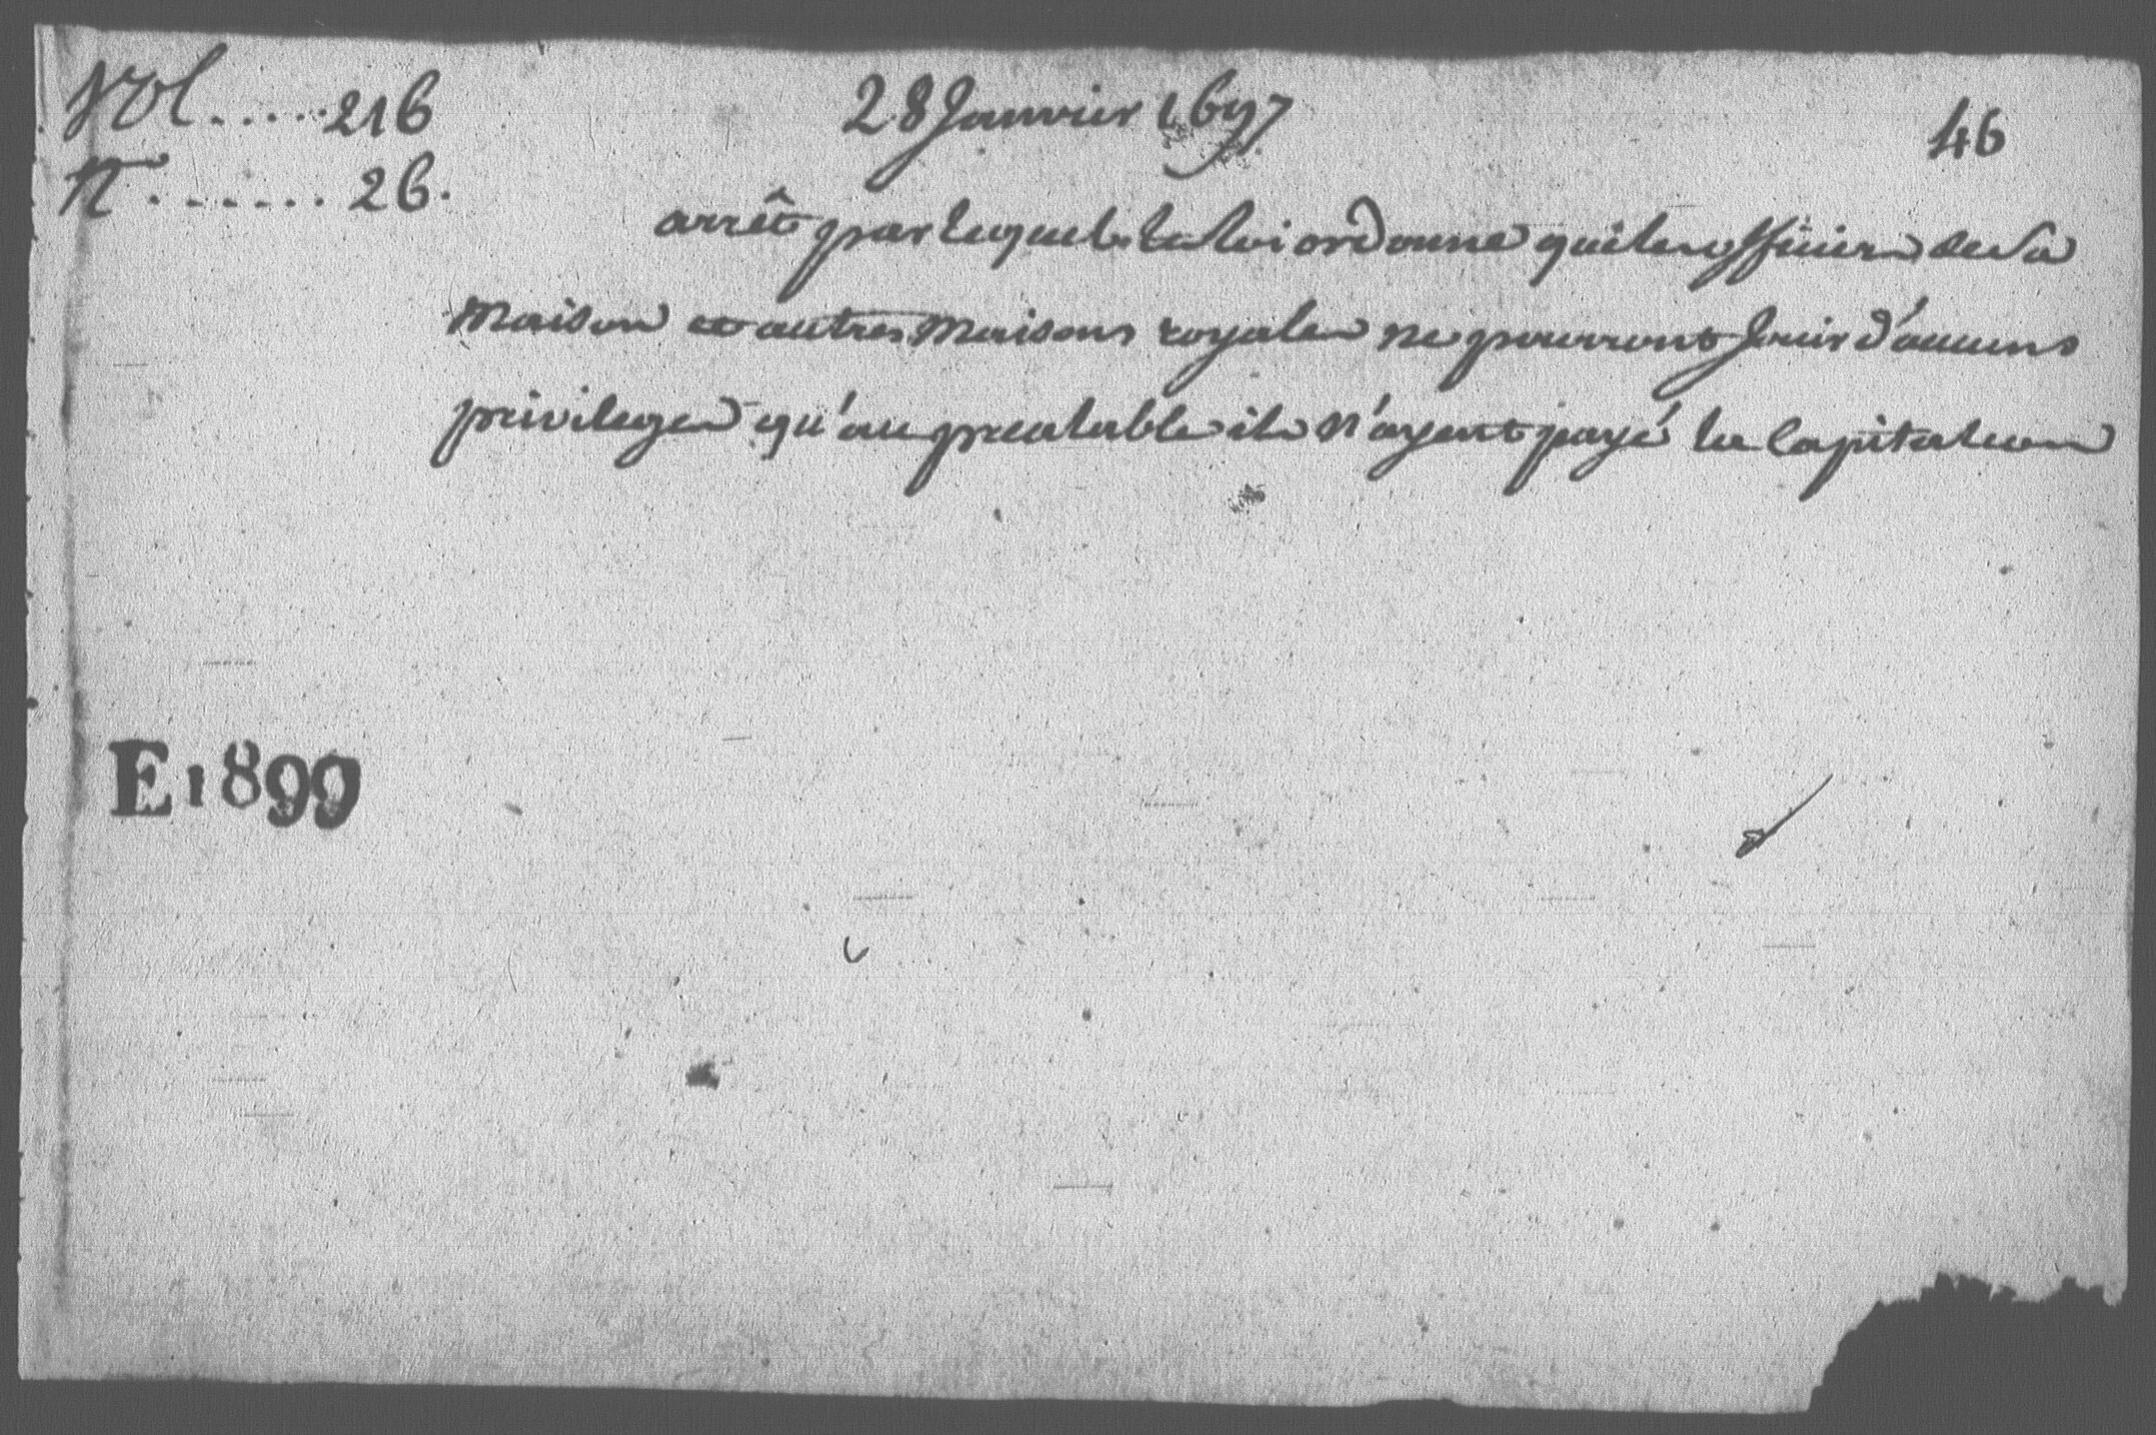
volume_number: n°26
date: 28 janvier 1697
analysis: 46
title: arrêt par leque le Roi ordonne qui les officiers de sa maison et autres maisons royales ne pourront jouir d'aucuns privilèges qu'au prealable ils n'ayent payé la capitation
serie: E
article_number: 1899
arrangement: vol. 216
